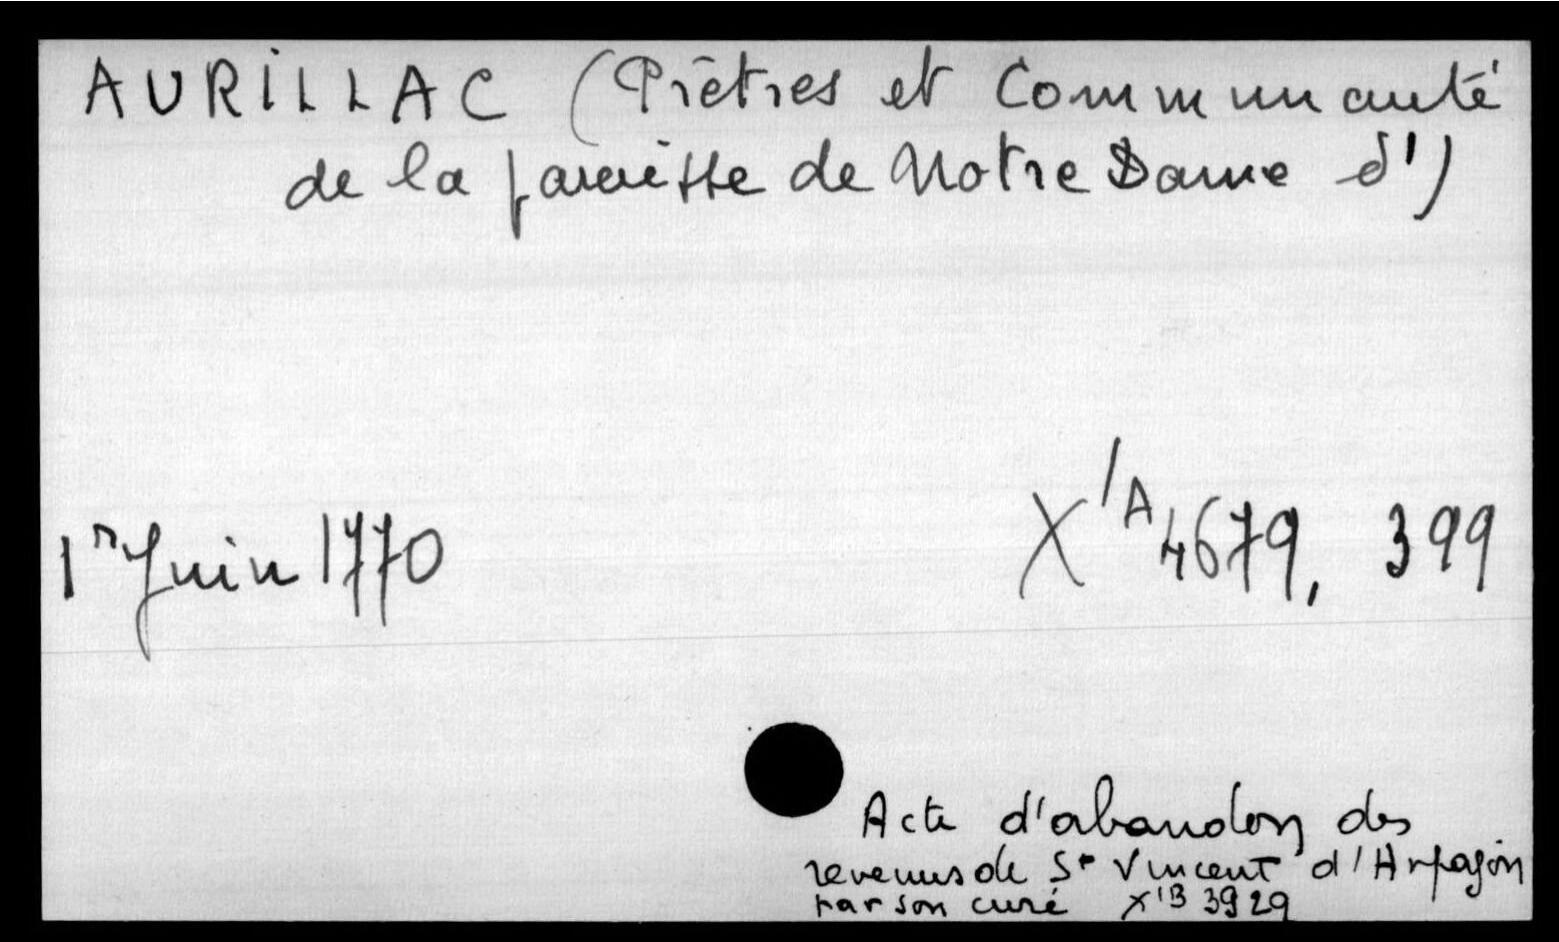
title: AURILLAC (Prêtres et communauté de la paroisse de Notre Dame d')
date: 1 juin 1770
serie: X1A
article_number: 4679
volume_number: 399
